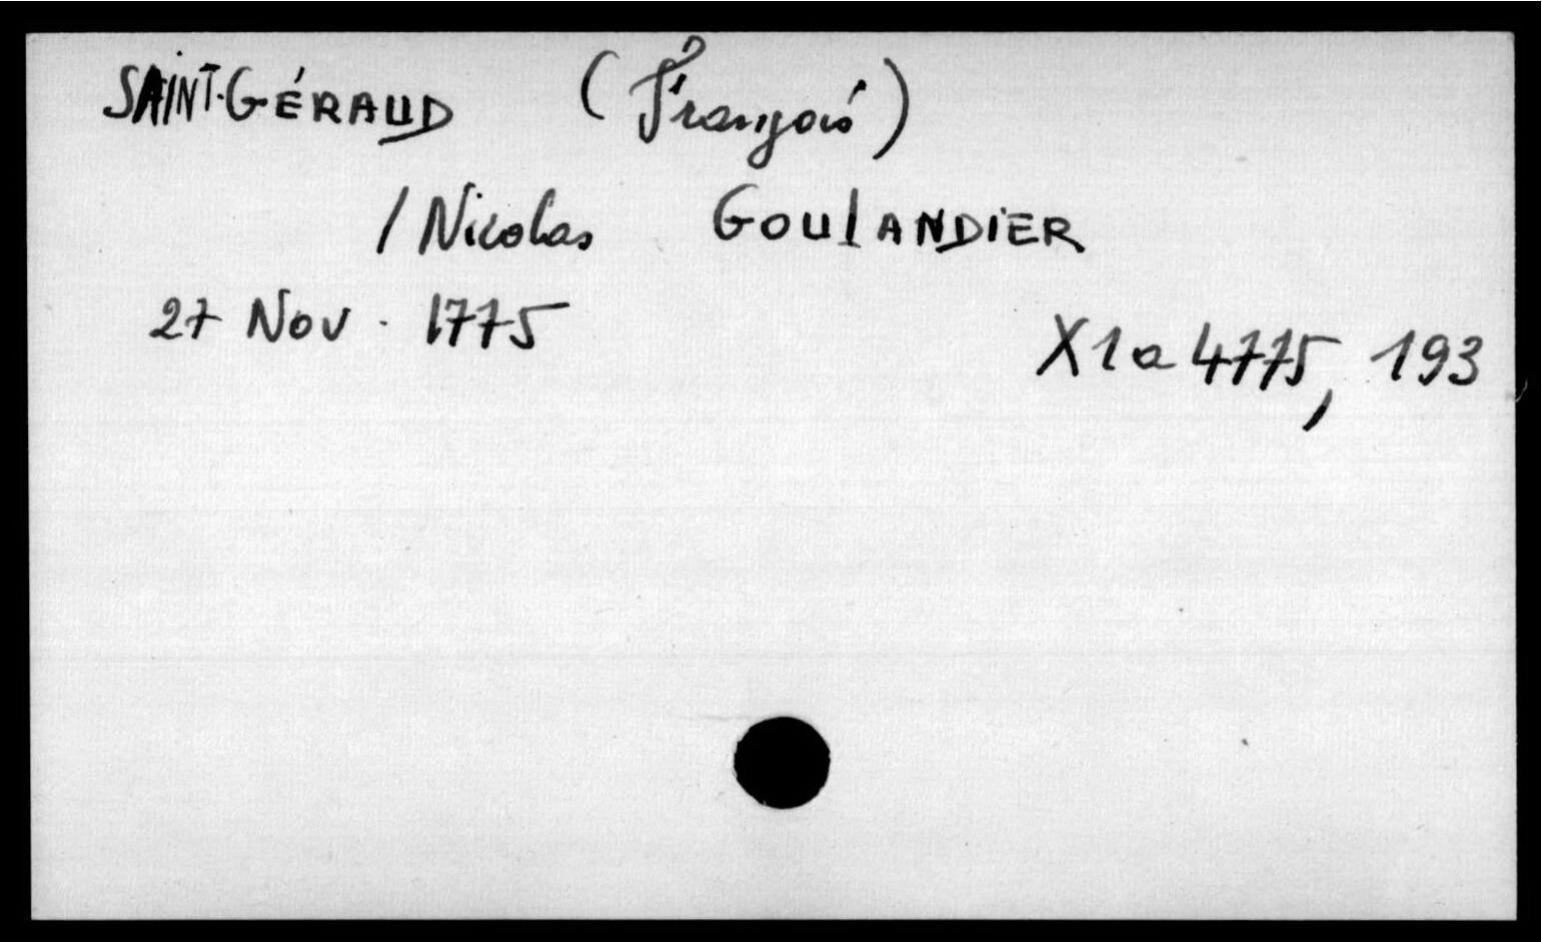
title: SAINT-GERAUD (François)
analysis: Contre Nicolas GOULANDIER
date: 27 novembre 1775
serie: X1a
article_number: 4775
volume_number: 193
